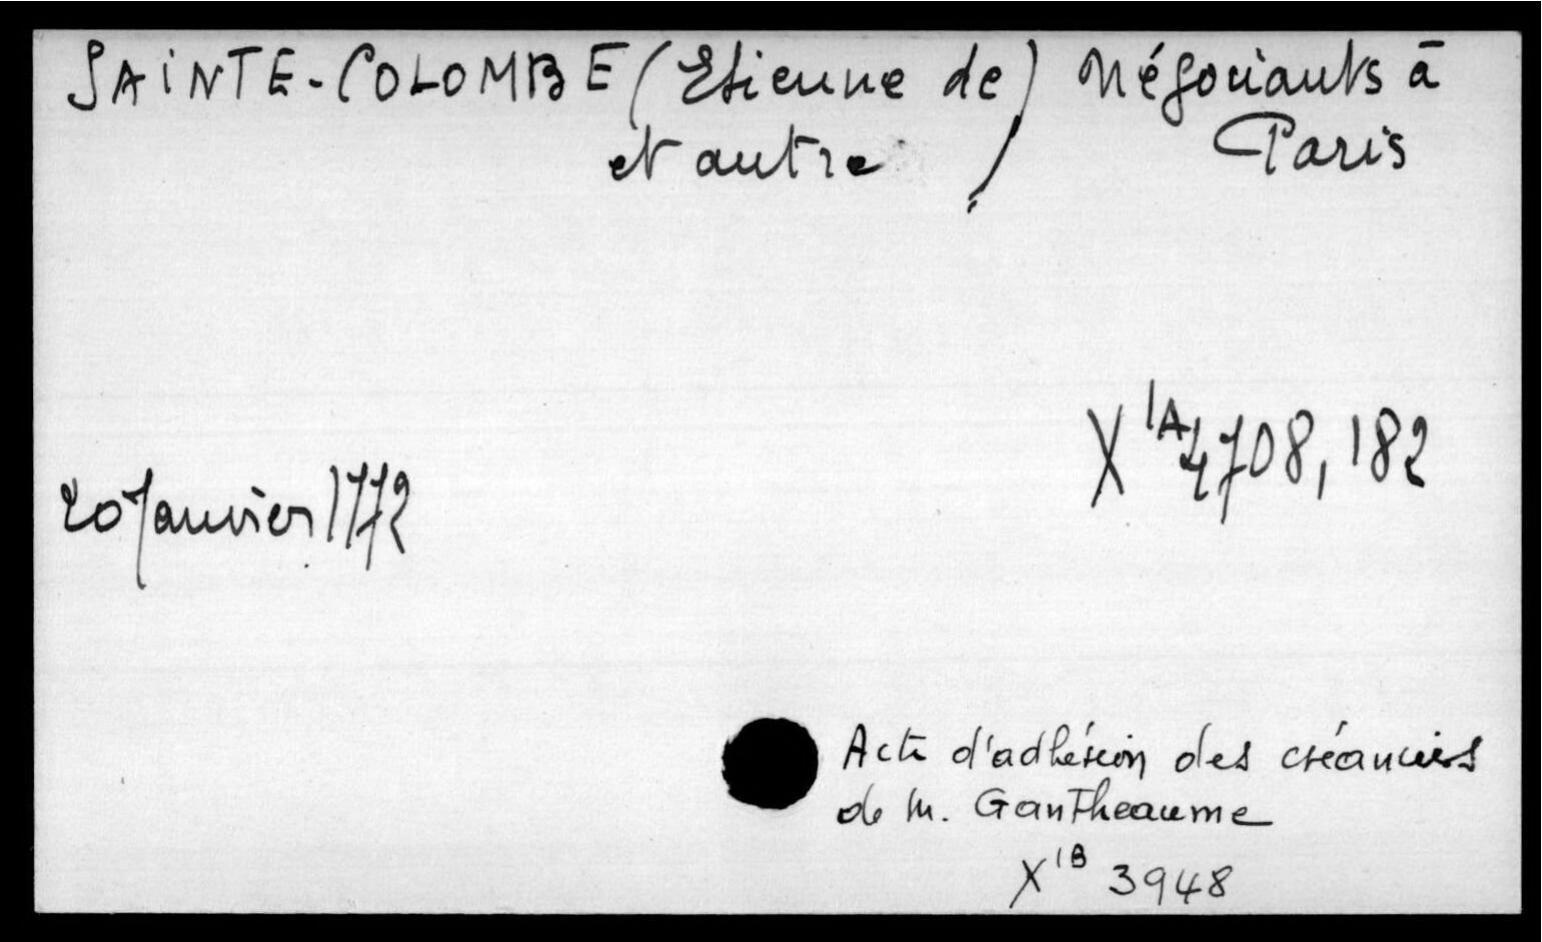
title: SAINTE-COLOMBE (Étienne de) négociants à Paris
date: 20 janvier 1772
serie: X1A
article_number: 4708
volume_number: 182
